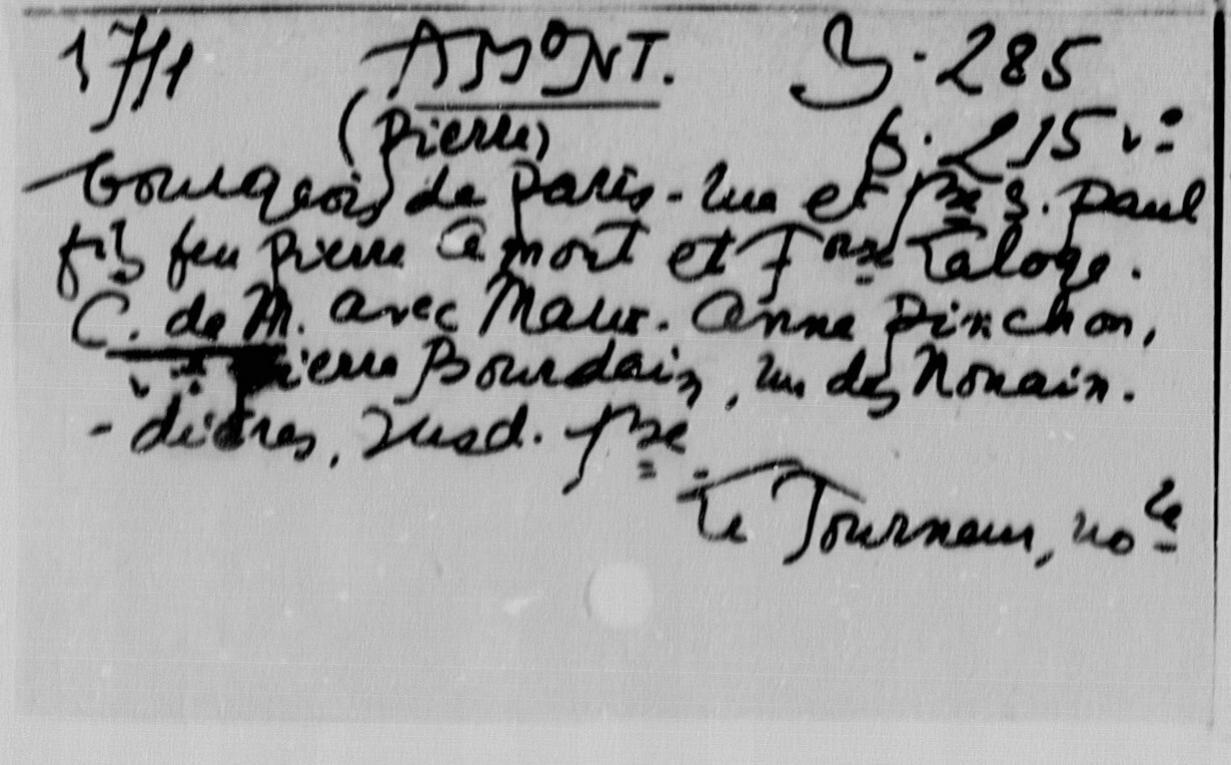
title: AMONT (Pierre)
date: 1711
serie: Y
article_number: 285
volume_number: folio 215 verso
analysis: Bourgeois de Paris, rue et paroisse Saint-Paul, fils feu Pierre Amont et Françoise Lalore Contrat de mariage avec Marie Anne Pinchon veuve de Pierre Bourdain, rue des Nonaindières, susdite paroisse Le Tourneur, notaire
